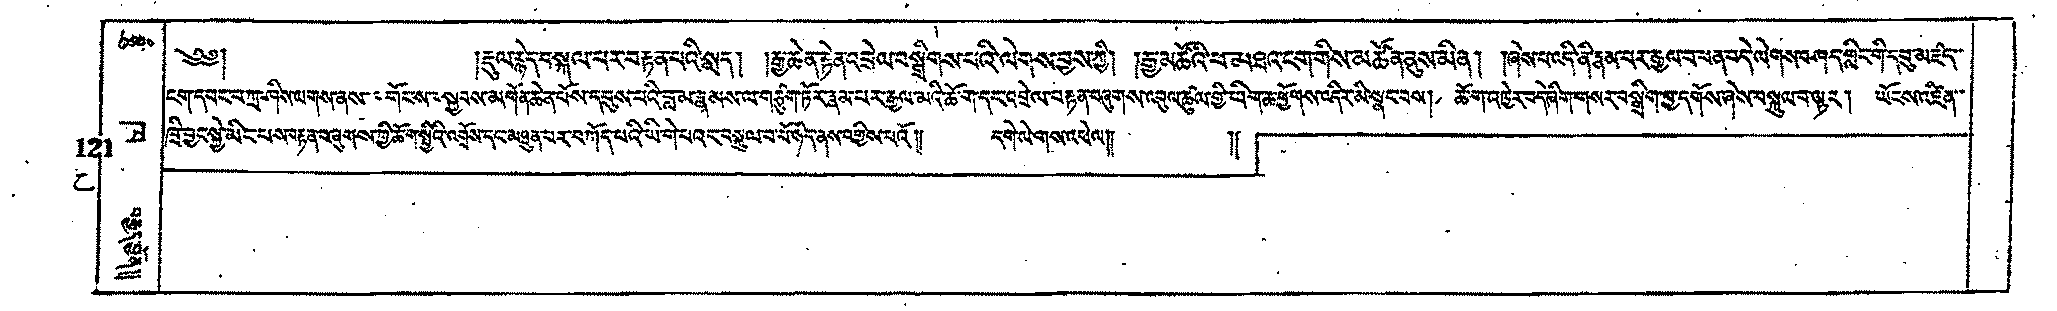༄༅། །རྡུལ་རྙེད་བསྐལ་པར་བརྟན་པའི་སླད། །རྒྱ་ཆེན་རྟེན་འབྲེལ་བསྒྲིགས་པའི་ལེགས་བྱས་ཀྱི། །རྒྱ་མཚོའི་ཕ་མཐའ་ངག་གིས་མཚོན་ནུས་མིན། །ཞེས་པ་འདི་ནི་རྣམ་པར་རྒྱལ་བ་ཕན་བདེ་ལེགས་བཤད་གླིང་གི་དབུ་མཛད་་་
ངག་དབང་བཀྲ་ཤིས་ལགས་ནས ༧གོང་ས ༧སྐྱབས་མགོན་ཆེན་པོས་དབུས་པའི་བླ་མ་རྣམས་ལ་གཙུག་ཏོར་རྣམ་པར་རྒྱལ་མའི་ཆོ་ག་དང་འབྲེལ་བརྟན་བཞུགས་འབུལ་ཚུལ་གྱི་ཡིག་ཆ་ཕྱོགས་འདིར་མི་སྣང་བས། ཆོ་ག་འཁྱེར་བདེ་ཞིག་གསར་བསྒྲིགས་བྱ་དགོས་ཞེས་བསྐུལ་བ་ལྟར། ཡོངས་འཛིན་་་
ཁྲི་བྱང་སྐྱེ་མིང་པས་བརྟན་བཞུགས་ཀྱི་ཆོ་ག་སྤྱིའི་འགྲོས་དང་མཐུན་པར་བཀོད་པའི་ཡི་གེ་པའང་བསྐུལ་བ་པོ་ཉིད་ནས་བགྱིས་པའོ།། དགེ་ལེགས་འཕེལ།། །།